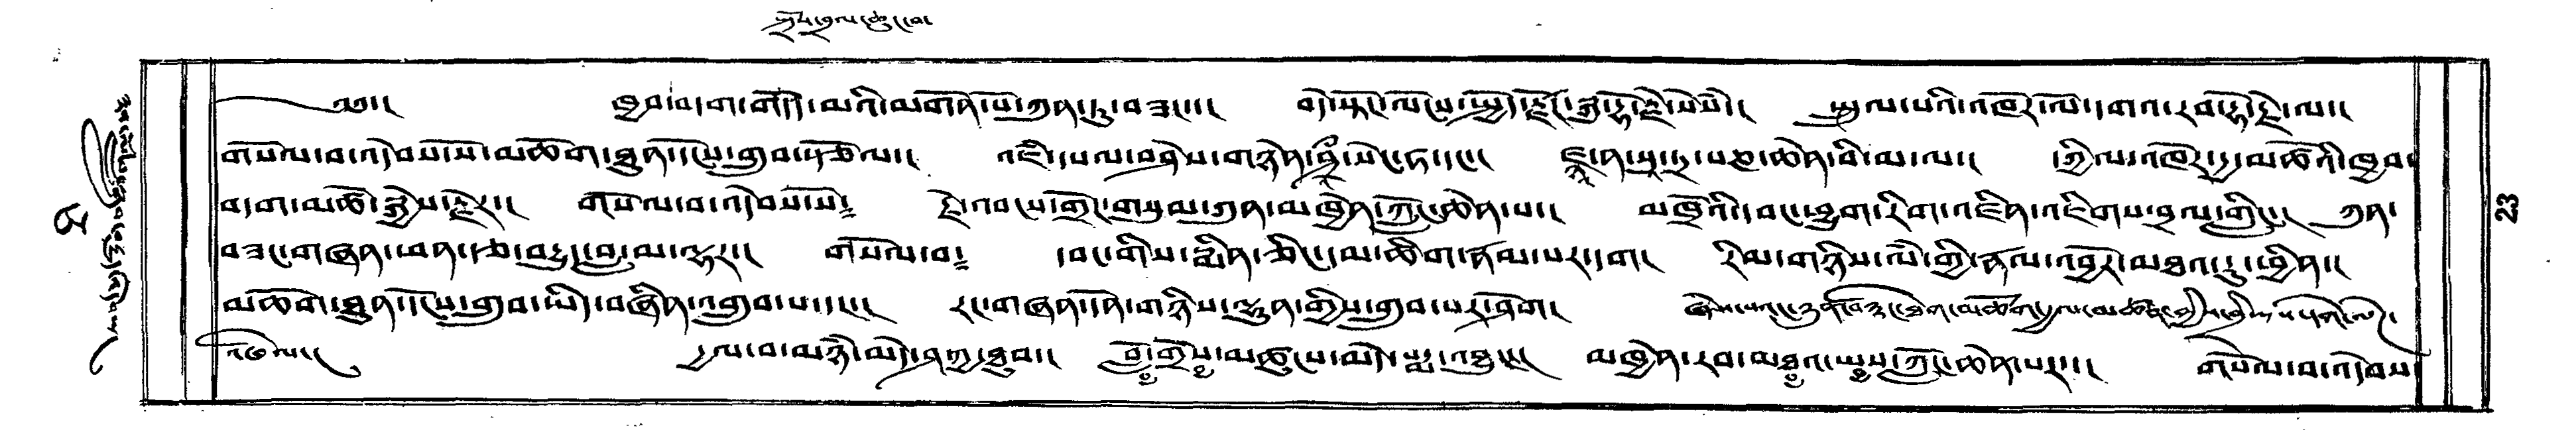༄༅། སྤྲོས་བྲལ་ཆུང་བ་བཞུགས། ཁྱབ་བདག་གདོད་མའི་མགོན་པོ་ཀུན་ཏུ་བཟང་། །བདེ་སྟོང་ལོངས་སྤྱོད་རྫོགས་སྐུ་རྡོ་རྗེ་སེམས། །སྤྲུལ་པའི་འཁོར་ལོ་དགའ་རབ་རྡོ་རྗེ་ལ། །
གསོལ་བ་འདེབས་སོ་མཆོག་ཐུན་དངོས་གྲུབ་སྩོལ། །འཇམ་དཔལ་བཤེས་གཉེན་ཤྲཱི་སེང་ཧ་དང་། །ཛྙཱ་ན་སཱུ་ཏྲ་པཎ་ཆེན་བི་མ་ལ། །དཀྱིལ་འཁོར་རྒྱ་མཚོའི་ཁྱབ་
བདག་མཚོ་སྐྱེས་རྗེར། །གསོལ་བ་འདེབས་སོ༴ རྗེ་འབངས་གྲོགས་གསུམ་ཀུན་མཁྱེན་ཀློང་ཆེན་པ། །མཁའ་འགྲོའི་དབང་ཕྱུག་རིག་འཛིན་འཇིགས་བྲལ་གླིང་། །ཀུན་
བཟང་གཞན་ཕན་རྩ་བརྒྱུད་བླ་མ་ལྷར། །གསོལ་བ༴ དབང་གིས་སྨིན་ཅིང་དམ་ཚིག་རྣམ་པར་དག །རིམ་གཉིས་ལམ་གྱི་རྣལ་འབྱོར་མཐའ་རུ་ཕྱིན། །
མཆོག་ཐུན་དངོས་གྲུབ་ཡིད་བཞིན་འགྲུབ་པ་དང་། །རང་གཞན་དོན་གཉིས་ལྷུན་གྱིས་འགྲུབ་པར་ཤོག ཅེས་པའང་ཀུན་བཟང་ཐེག་མཆོག་རྒྱལ་མཚན་གྱིས་བྲིས་པ་དགེ་ལེགས་
འཕེལ།། རྒྱལ་བ་མཉམ་མེད་ཤཱཀྱ་ཐུབ། །བློ་གྲོས་མཚུངས་མེད་པདྨ་འབྱུང་། །མཁྱེན་རབ་མཐའ་ཡས་ཀློང་ཆེན་པར། །གསོལ་བ་འདེབས་